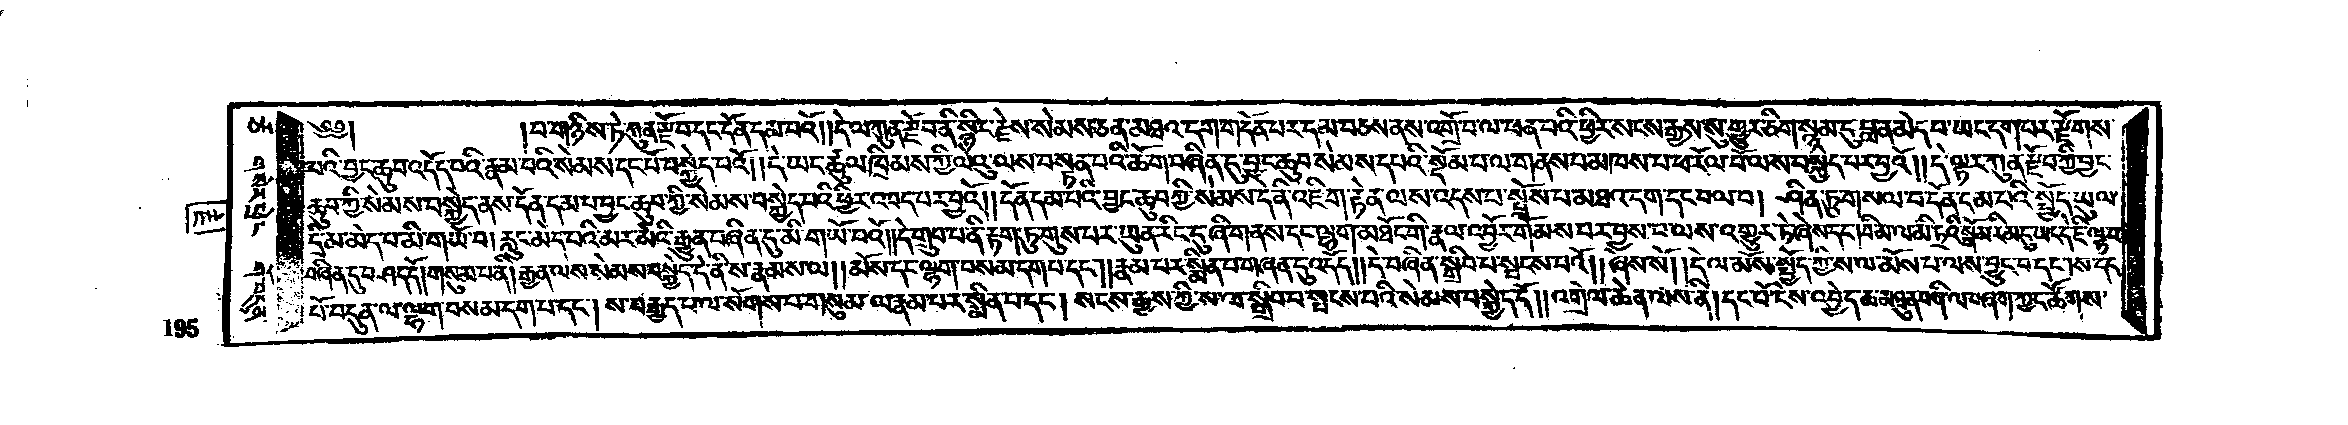༄༅། །པ་གཉིས་ཏེ་ཀུན་རྫོབ་དང་དོན་དམ་པའོ། །དེ་ལ་ཀུན་རྫོབ་ནི་སྙིང་རྗེས་སེམས་ཅན་མཐའ་དག་གདོན་པར་དམ་བཅས་ནས་འགྲོ་བ་ལ་ཕན་པའི་ཕྱིར་སངས་རྒྱས་སུ་གྱུར་ཅིག་སྙམ་དུ་བླ་ན་མེད་པ་ཡང་དག་པར་རྫོགས་
པའི་བྱང་ཆུབ་འདོད་པའི་རྣམ་པའི་སེམས་དང་པོ་བསྐྱེད་པའོ། །དེ་ཡང་ཚུལ་ཁྲིམས་ཀྱི་ལེའུ་ལས་བསྟན་པའི་ཆོ་ག་བཞིན་དུ་བྱང་ཆུབ་སེམས་དཔའི་སྡོམ་པ་ལ་གནས་པ་མཁས་པ་ཕ་རོལ་པོ་ལས་བསྐྱེད་པར་བྱའོ། །དེ་ལྟར་ཀུན་རྫོབ་ཀྱི་བྱང་
ཆུབ་ཀྱི་སེམས་བསྐྱེད་ནས་དོན་དམ་པ་བྱང་ཆུབ་ཀྱི་སེམས་བསྐྱེད་པའི་ཕྱིར་འབད་པར་བྱའོ། །དོན་དམ་པའི་བྱང་ཆུབ་ཀྱི་སེམས་དེ་ནི་འཇིག་རྟེན་ལས་འདས་པ་སྤྲོས་པ་མཐའ་དག་དང་བྲལ་བ། ཤིན་ཏུ་གསལ་བ་དོན་དམ་པའི་སྤྱོད་ཡུལ་
དྲི་མ་མེད་པ་མི་གཡོ་བ། རླུང་མེད་པའི་མར་མེའི་རྒྱུན་བཞིན་དུ་མི་གཡོ་བའོ། །དེ་གྲུབ་པ་ནི་རྟག་ཏུ་གུས་པར་ཡུན་རིང་དུ་ཞི་གནས་དང་ལྷག་མཐོང་གི་རྣལ་འབྱོར་གོམས་པར་བྱས་པ་ལས་འགྱུར་ཏེ་ཞེས་དང་། བི་མ་ལ་མི་ཏྲའི་སྒོམ་རིམ་དུ་ཡང་དེ་ཇི་ལྟ་བ་
བཞིན་དུ་བཤད་དོ། །གསུམ་པ་ནི། རྒྱན་ལས་སེམས་བསྐྱེད་དེ་ནི་ས་རྣམས་ལ། །མོས་དང་ལྷག་བསམ་དག་པ་དང་། །རྣམ་པར་སྨིན་པ་གཞན་དུ་འདོད། །དེ་བཞིན་སྒྲིབ་པ་སྤངས་པའོ། །ཞེས་སོ། །དེ་ལ་མོས་སྤྱོད་ཀྱི་ས་ལ་མོས་པ་ལས་བྱུང་བ་དང་། ས་དང་
པོ་བདུན་ལ་ལྷག་བསམ་དག་པ་དང་། ས་བརྒྱད་པ་ལ་སོགས་པ་གསུམ་ལ་རྣམ་པར་སྨིན་པ་དང་། སངས་རྒྱས་ཀྱི་ས་ལ་སྒྲིབ་པ་སྤངས་པའི་སེམས་བསྐྱེད་དོ། །འགྲེལ་ཆེན་ལས་ནི། དང་པོ་ངེས་འབྱེད་ཆ་མཐུན་བཞི་ལ་བཞག་ཀྱང་ཚོགས་